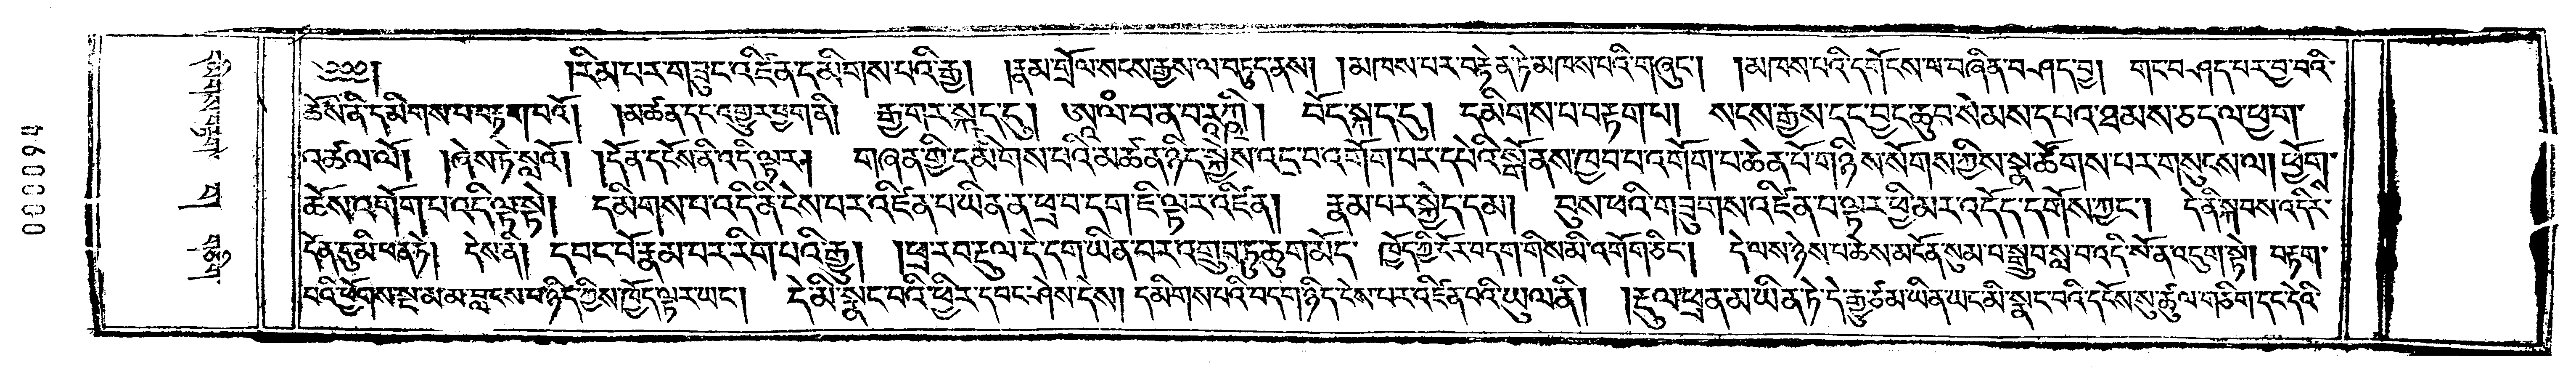༄༅༅། །རིམ་པར་གཟུང་འཛིན་དམིགས་པའི་རྒྱ། །རྣམ་གྲོལ་སངས་རྒྱས་ལ་བཏུད་ནས། །མཁས་པར་བརྟེན་ཏེ་མཁས་བའི་གཞུང་། །མཁས་བའི་དགོངས་པ་བཞིན་བཤད་བྱ། གང་བཤད་པར་བྱ་བའི་
ཆོས་ནི་དམིགས་པ་བརྟག་བའོ། །མཚན་དང་འགྱུར་ཕྱག་ནི། རྒྱ་གར་སྐད་དུ། ཨཱ་ལཾ་བ་ན་རཱཀྵི། བོད་སྐད་དུ། དམིགས་པ་བརྟག་པ། སངས་རྒྱས་དང་བྱང་ཆུབ་སེམས་དཔའ་ཐམས་ཅད་ལ་ཕྱག་
འཚལ་ལོ། །ཞེས་ཏེ་སླའོ། །དོན་དངོས་ནི་འདི་ལྟར། གཞན་གྱི་དམིགས་བའི་མཚན་ཉིད་སྐྱེས་འདྲ་བ་འགོག་པར་དཔེའི་སྒོ་ནས་ཁྱབ་པ་འགོག་པ་ཆེན་པོ་གཉིས་སོགས་ཀྱིས་སྣ་ཚོགས་པར་གསུངས་ལ། ཕྱོགས་
ཆོས་འགོག་བ་འདི་ལྟ་སྟེ། དམིགས་པ་འདི་ནི་ངེས་པར་འཛིན་པ་ཡིན་ན་ཕྲ་བ་དག་ཇི་ལྟར་འཛིན། རྣམ་པར་སྐྱེད་དམ། བུས་ཕའི་གཟུགས་འཛིན་པ་ལྟར་ཕྱི་མར་འདོད་དགོས་ཀྱང་། དེ་ནི་སྐབས་འདིར་
དོན་དུ་མི་ཕན་ཏེ། དེས་ནི། དབང་པོ་རྣམ་བར་རིག་པའི་རྒྱུ། །ཕྲར་བ་རྡུལ་དེ་དག་ཡིན་བར་འགྲུབ་ཏུ་ཆུག་མོད་ཁྱོད་ཀྱི་དོར་བདག་གིས་མི་འགོ་གཅིང་། དེ་ལས་ཉེན་པ་ཆེས་མངོན་སུམ་བསྒྲུབ་སླ་བ་འདི་སོ་ན་བདུག་སྟེ། བརྟག་
པའི་ཕྱོགས་སྔམ་མ་བླངས་པ་ཉིད་ཀྱིས་བྱོད་ལྟར་ཡང་། དེ་མི་སྣང་བའི་ཕྱིར་དབང་ཤེས་དེས། དམིགས་པའི་བདག་ཉིད་ངེས་བར་འཛིན་པའི་ཡུལ་ནི། །རྡུལ་ཕྲན་མ་ཡིན་ཏེ་དེ་རྒྱུ་ཙམ་ཡིན་ཡང་མི་སྣང་བའི་དངོས་སུ་ཚུལ་གཅིག་དང་དེའི་